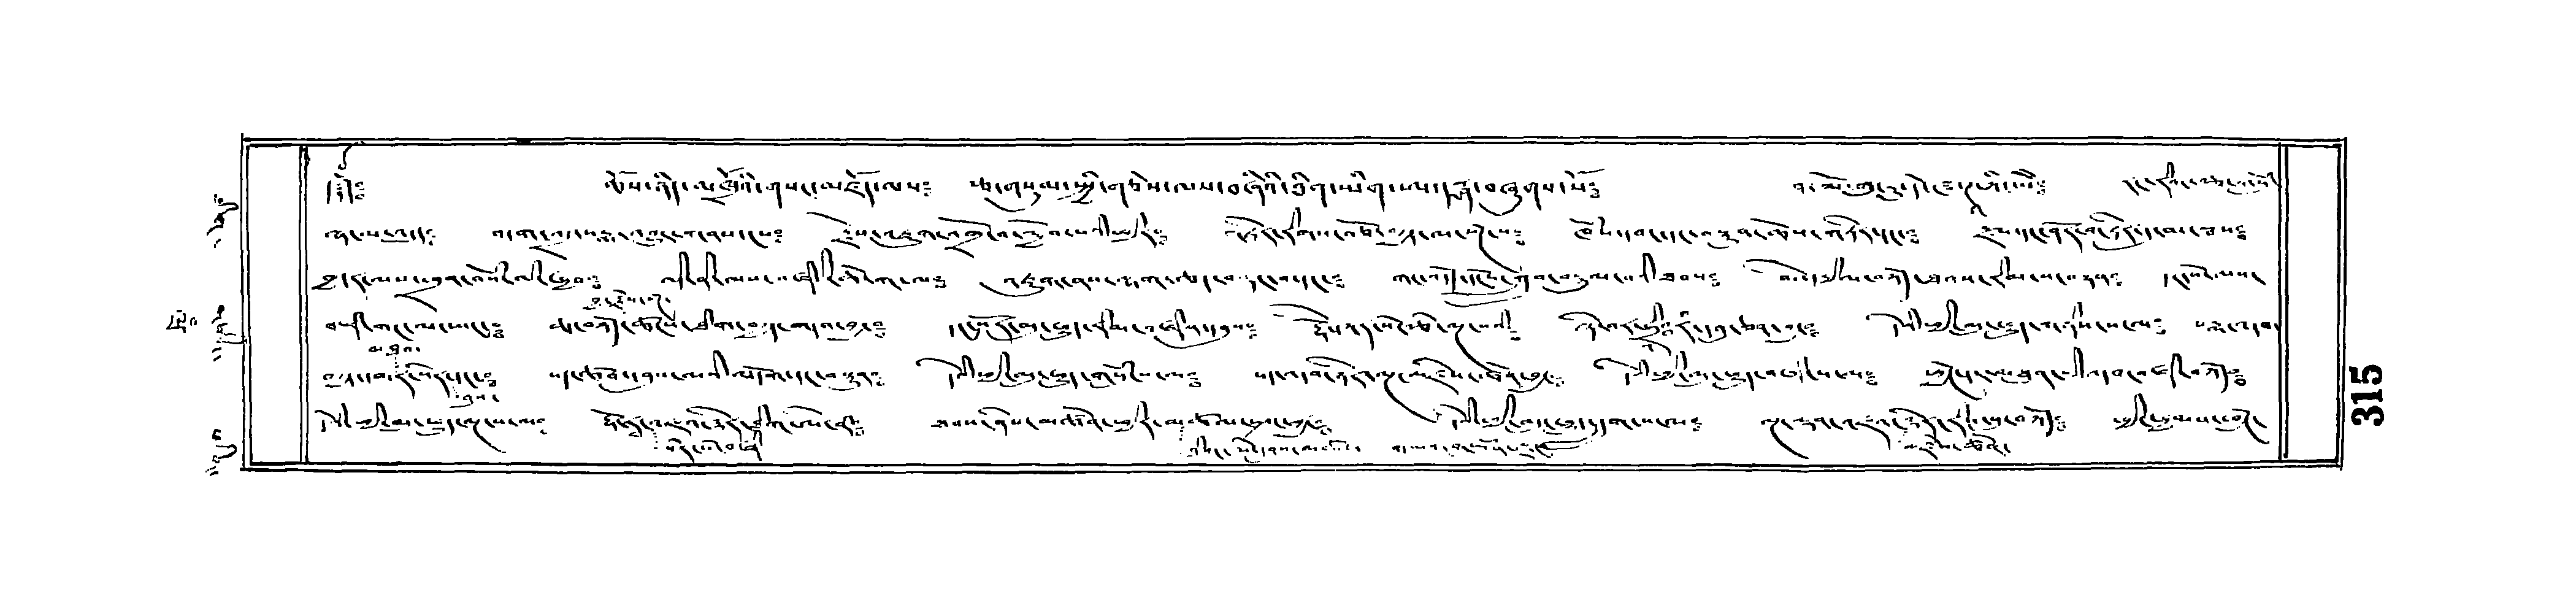ཆོས་ཉིད་མཁའ་འགྲོའི་གསང་མཛོད་ལས༔ རྩ་གསུམ་སྤྱི་གཅེས་ལས་བཞིའི་ཐིག་ཡིག་ཨ་དརྴ་བཞུགས་སོ༔ ན་མོ་གུ་རུ་དེ་ཝ་ཌཱ་ཀི་ཡཻ༔ རང་རིག་རྩ་གསུམ་
ལྷ་ལ་འདུད༔ བདག་འདྲ་པདྨ་འབྱུང་གནས་ངས༔ རྗེས་འཇུག་འགྲོ་བ་སྐྱོབ་པའི་ཕྱིར༔ གཏེར་རིགས་བཅོ་བརྒྱད་ལ་སོགས་པ༔ ཁམས་དབང་དང་བསྟུན་ཆོས་གཏེར་དང༔ རྫས་དང་ནོར་གཏེར་དུ་མ་སྦས༔ 
ཁྱད་པར་ལས་ཕྲན་བསམ་མི་ཁྱབ༔ འདི་ནི་ལས་བཞིའི་ཆོ་ག་ལ༔ འཇུག་ནས་ལྷག་ཆད་བསྐང་བ་དང༔ གང་འདོད་དངོས་གྲུབ་བསྐུལ་བའི་ཐབས༔ མེ་དཀྱིལ་བཀོད་ཐབས་རིམ་པ་བསྟན༔ དང་པོ་ལས་
བཞི་གང་ལ་ཡང༔ ཆ་བཀོད་བྱ་རྗེས་སོགས་ཚངས་ཐིག་བརྒྱད་གདབ་བྱ༔ དང་པོར་མུ་ཁྱུད་རིམ་བཟིན་དབུས༔ རྡོ་རྗེ་དཀར་པོ་རྩེ་ལྔ་པའི༔ ལྟེ་བར་ཧྲཱིཿརཾ་དབུ་ཅན་བྱ༔ དེའི་ཕྱི་མུ་ཁྱུད་གཉིས་པ་ལ༔ པདྨ་འདབ་
བརྒྱད་དམར་མཐའ་སེར་དབུས་དང༔ པད་ཚབ་དབུས་མའི་མདོག་དང་བསྟུན༔ དེའི་ཕྱི་མུ་ཁྱུད་གསུམ་པ་ལ༔ པད་འདབ་ཉེར་ལྔ་མཛེས་ཚོན་བྱ༔ དེའི་ཕྱི་མུ་ཁྱུད་བཞི་པ་ལ༔ ཕྱོགས་དང་མཐུན་པའི་འདབ་བཞི་བཀོད༔ 
དེའི་ཕྱི་མུ་ཁྱུད་ལྔ་པ་ལ༔ རྡོ་རྭ་སེར་པོ་བཞི་འཇའ་ཟེར་ཐིག་ལེ་ནི༔ ཐབས་ཤེས་མཚོན་ཕྱིར་དབུས་མཚས་གཡས་གཡོན་ལྗང་མཚལ་སྤང་བྱ༔ དེའི་ཕྱི་མུ་ཁྱུད་དྲུག་པ་ལ༔ ལྔ་ལྡན་འཇའ་མཛེས་ཚོན་སྐོར་རིས་སུ་བཀོད༔ ཕྱི་ཁྱམས་ཕྱོགས་